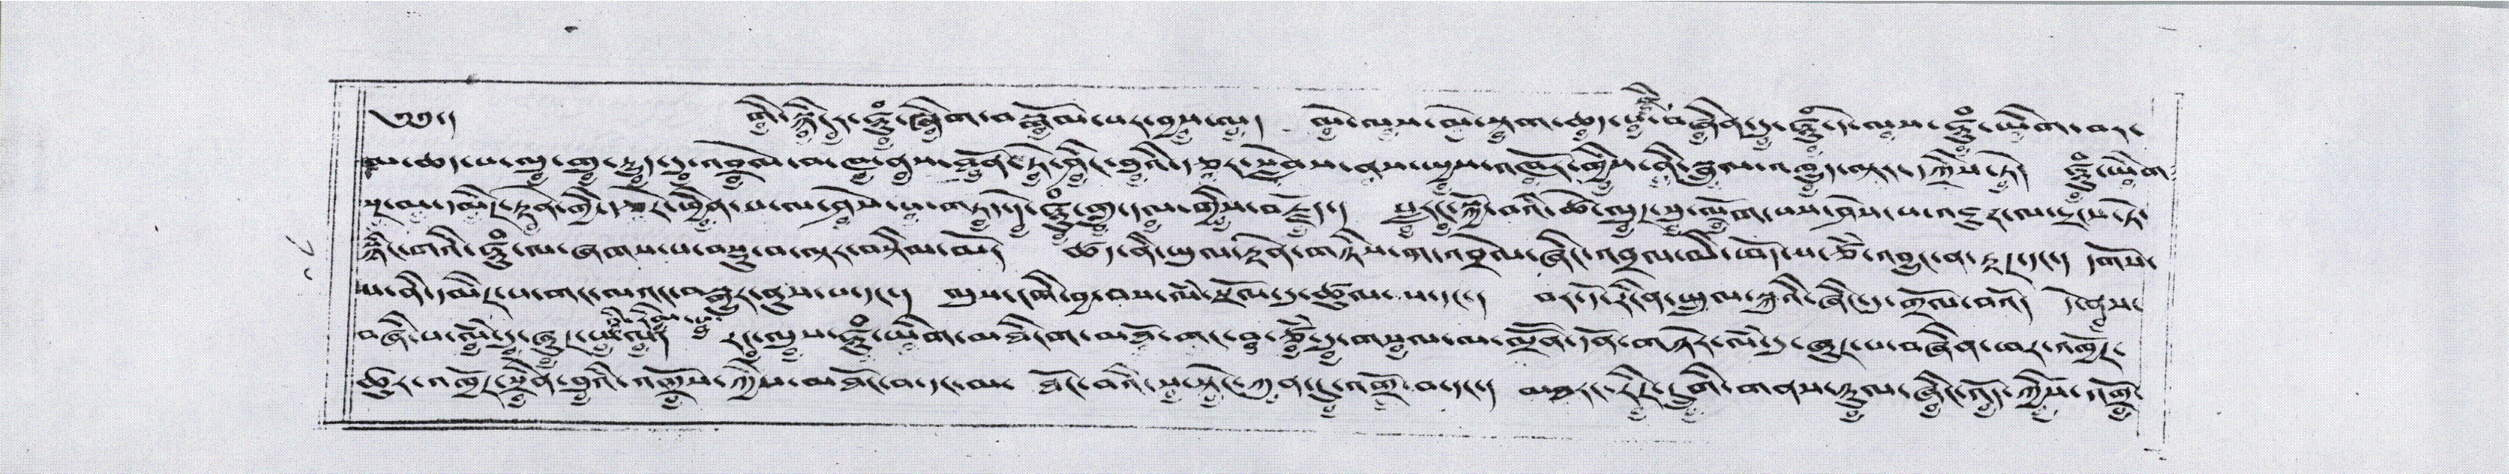གི་སྙིང་གར་ཧཱུཾ་ཞིག་བསྒོམ་པར་བྱས་ལ། མེ་ལས་མེ་སྟག་མཆེད་པ་ཇི་བཞིན་དུ་ཧཱུཾ་དེ་ལས་ཧཱུཾ་ཡིག་བར་
མ་ཆད་པ་ལུ་གུ་རྒྱུད་དུ་འབྲེལ་བ་ཁ་ནས་ཐོན་ཏེ་ཤིང་བུའི་རྩར་སླེབས་ནས་གཡས་འཁོར་གྱིས་ནི་སྦྲུལ་མདུད་ལྟར་དཀྲིས་ཏེ། ཧཱུཾ་ཡིག་
སྔ་མ་དམིགས་རྟེན་གྱི་རྩེར་ཕྱིན་པ་ལ་ཤེས་པ་གཏད་དེ་ཧཱུཾ་གླུ་དལ་གྱིས་བརྗོད། སླར་ཡང་སྐྱོ་བའི་ཚེ་ལུགས་སུ་ལྡོག་པས་ཤེས་པ་འཇུར་ལ་དྲངས་ཏེ་
སྙིང་གའི་ཧཱུཾ་ལ་ཞགས་པ་བསྡུ་བ་ལྟར་བསྟིམ་མོ། ཚད་ནི་ཡུལ་རྟེན་གཉིས་ཀ་འབྲེལ་ཞིང་འབྲལ་མི་ཕོད་པ་ཙམ་འབྱུང་ན་རྟགས་དང་། དགོས་
པ་ནི་དམིགས་པ་གང་ལའང་བསྒྱུར་ནུས་པ་དང་། ལུས་ངག་གི་བྱ་བས་ལམ་སྲོལ་དུ་ཚུད་པ་དང་། བར་དོ་རང་བཞིན་སྤྲུལ་སྐུའི་ཞིང་དུ་གྲོལ་བའོ། དེ་ནས་
བཞི་པ་ལམ་དུ་ཞུགས་པའི་རིམ་པ་ལ། རང་ལུས་ཧཱུཾ་ཡིག་མཐིང་ནག་མཐོ་གང་བ་ཙམ་གསལ་ལ་མགྲོན་པོ་དོན་གཉེར་ལམ་དུ་ཞུགས་པ་བཞིན་ཕར་འཁྱོགས་
ཚུར་འཁྱོགས་སྲིན་བུའི་འགྲོས་ཀྱིས་མཐོང་བ་དང་མ་མཐོང་བའི་ས་སྟེང་ཀུན་ཏུ་འགྲོ་བ་དང་། མཐར་རིགས་དྲུག་གི་གནས་ཉུལ་ཞིང་འོད་ཀྱིས་འགྲོ་